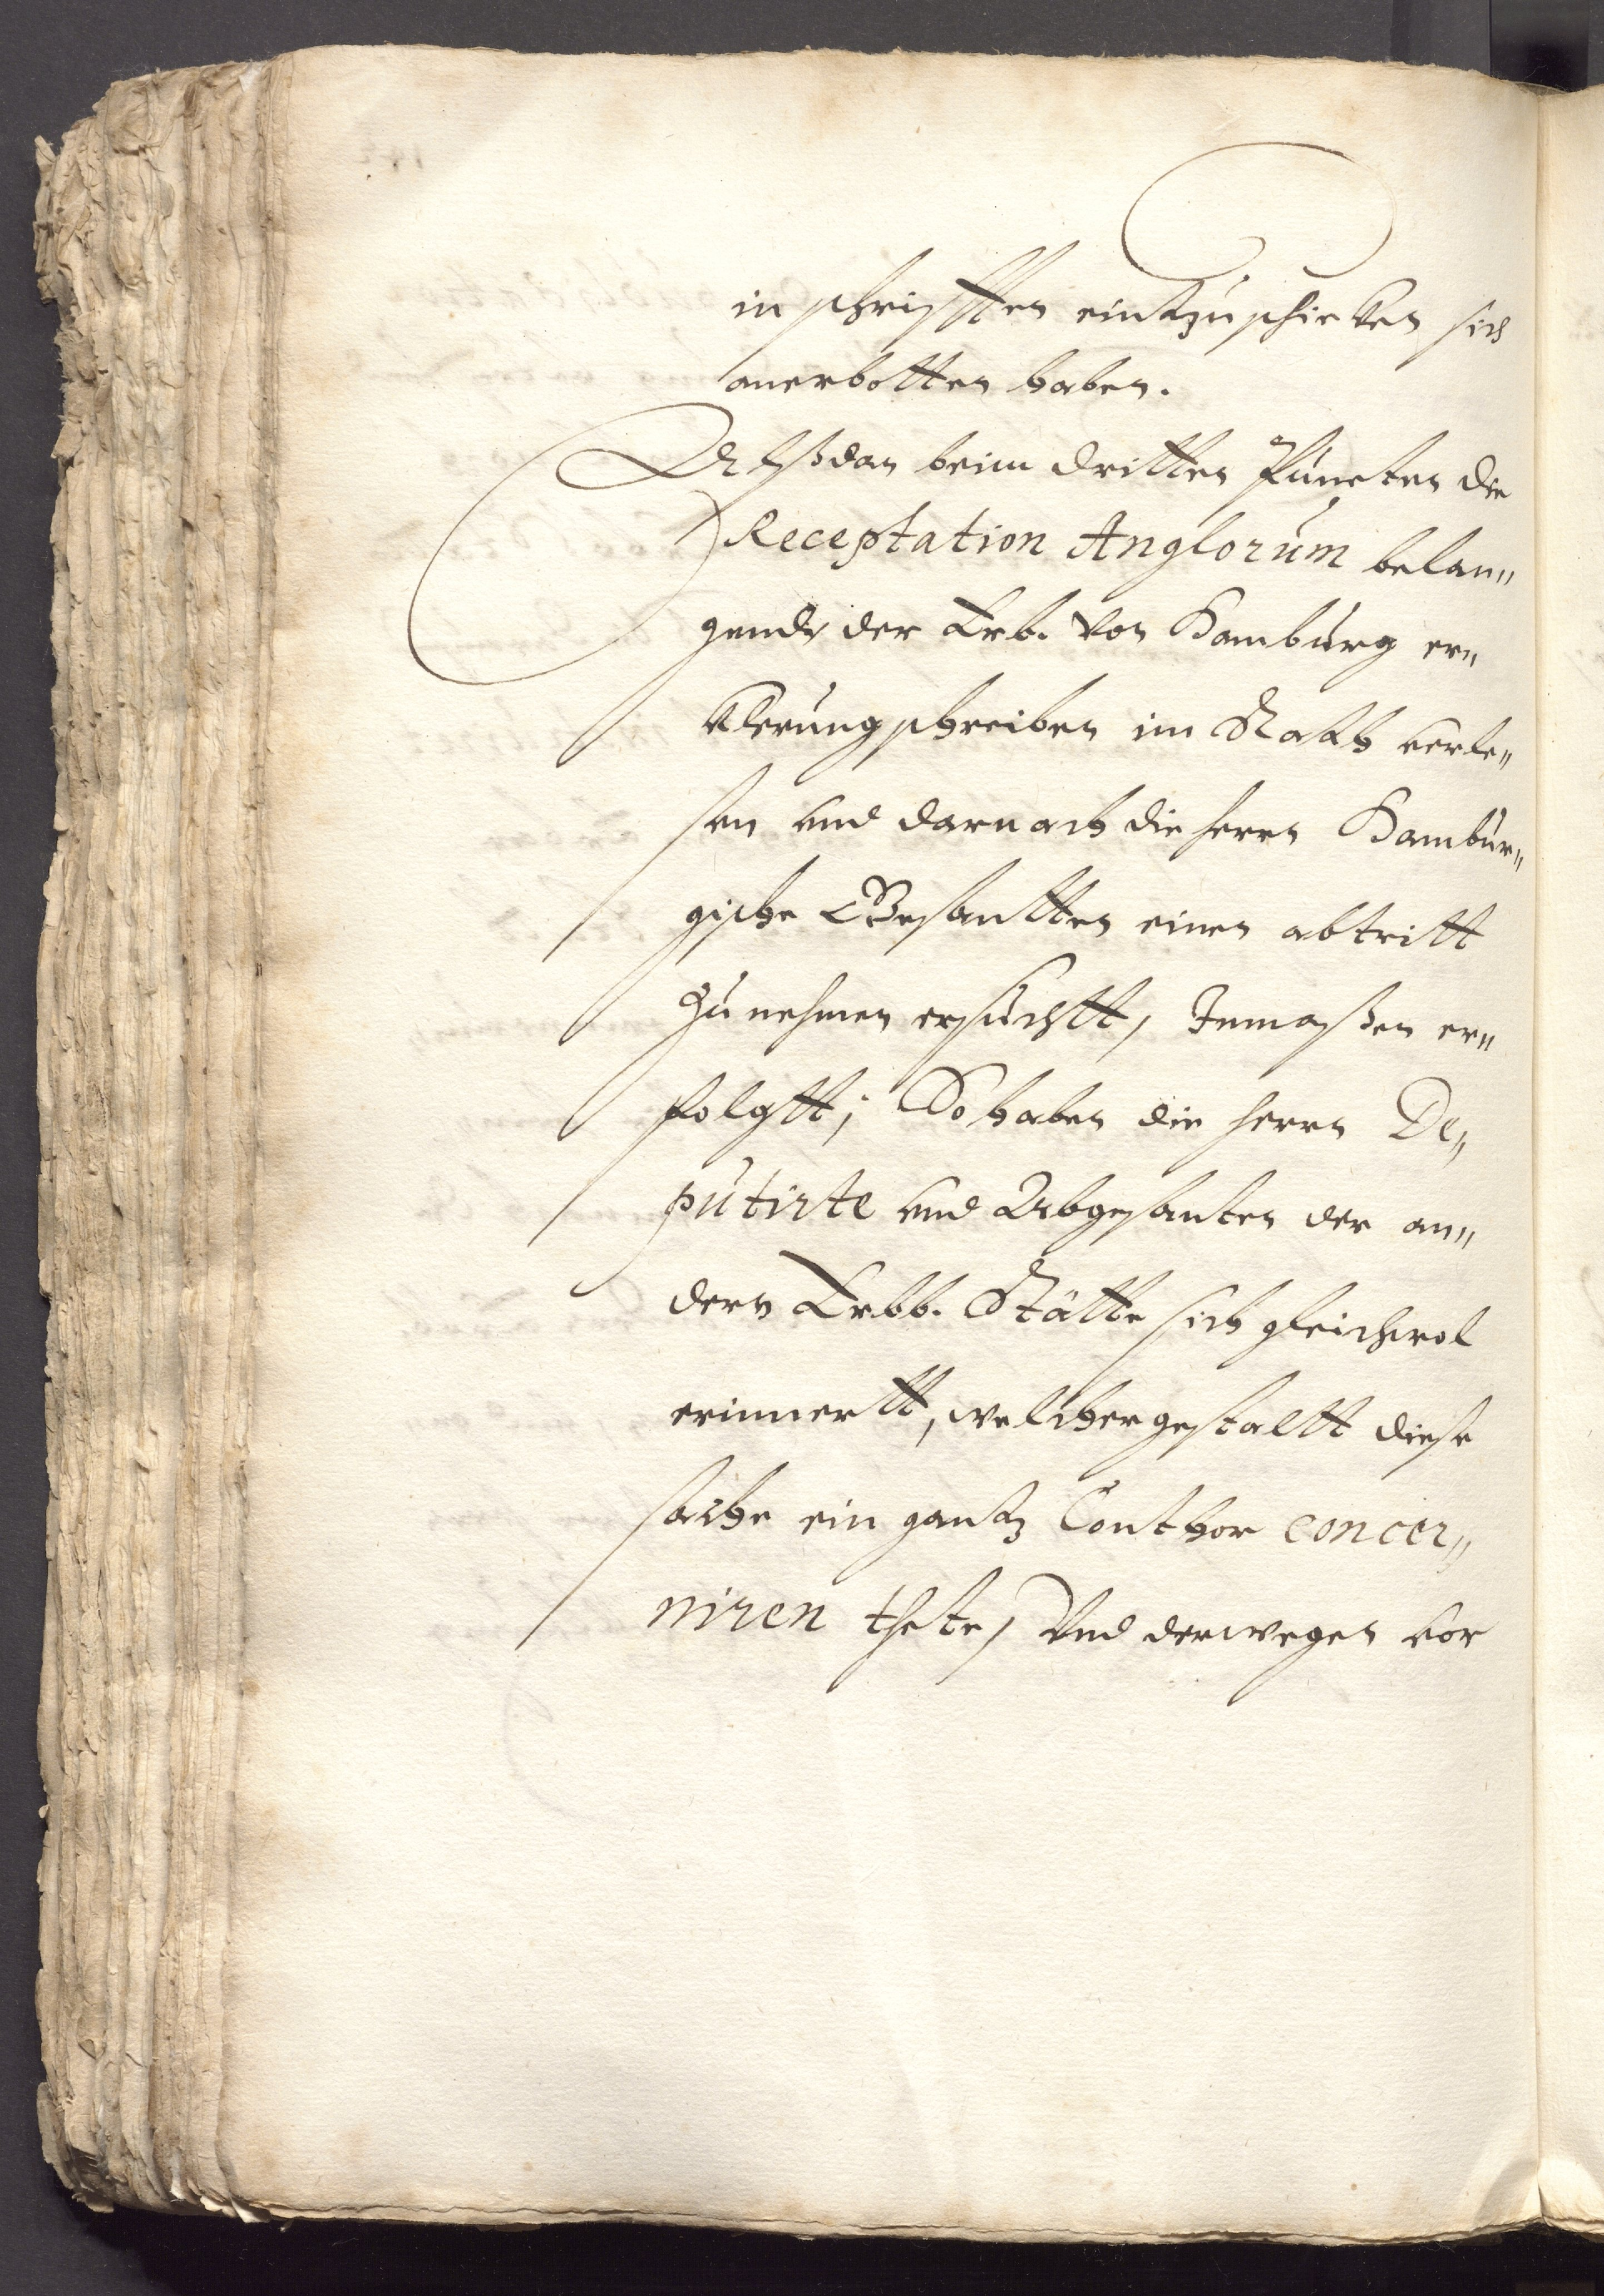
in schriften eintzuschicken sich
anerbotten haben.
Alsdan beim dritten Puncten die
Receptation Anglorum belan¬
gend, der Erb. von Hamburg er¬
klerung schreiben im Rath verle¬
sen vnd darnach die herrn Hambur¬
gische Gesantten einen abtritt
zu nehmen ersuchtt, Inmaßen er¬
folgtt; So haben die herrn De¬
putirte vnd Abgesanten der an¬
dern Erbb. Stätte sich gleichwol
erinnertt, welcher gestaltt diese
sache ein gantz Conthor concer¬
niren thete, vnd derwegen vor
